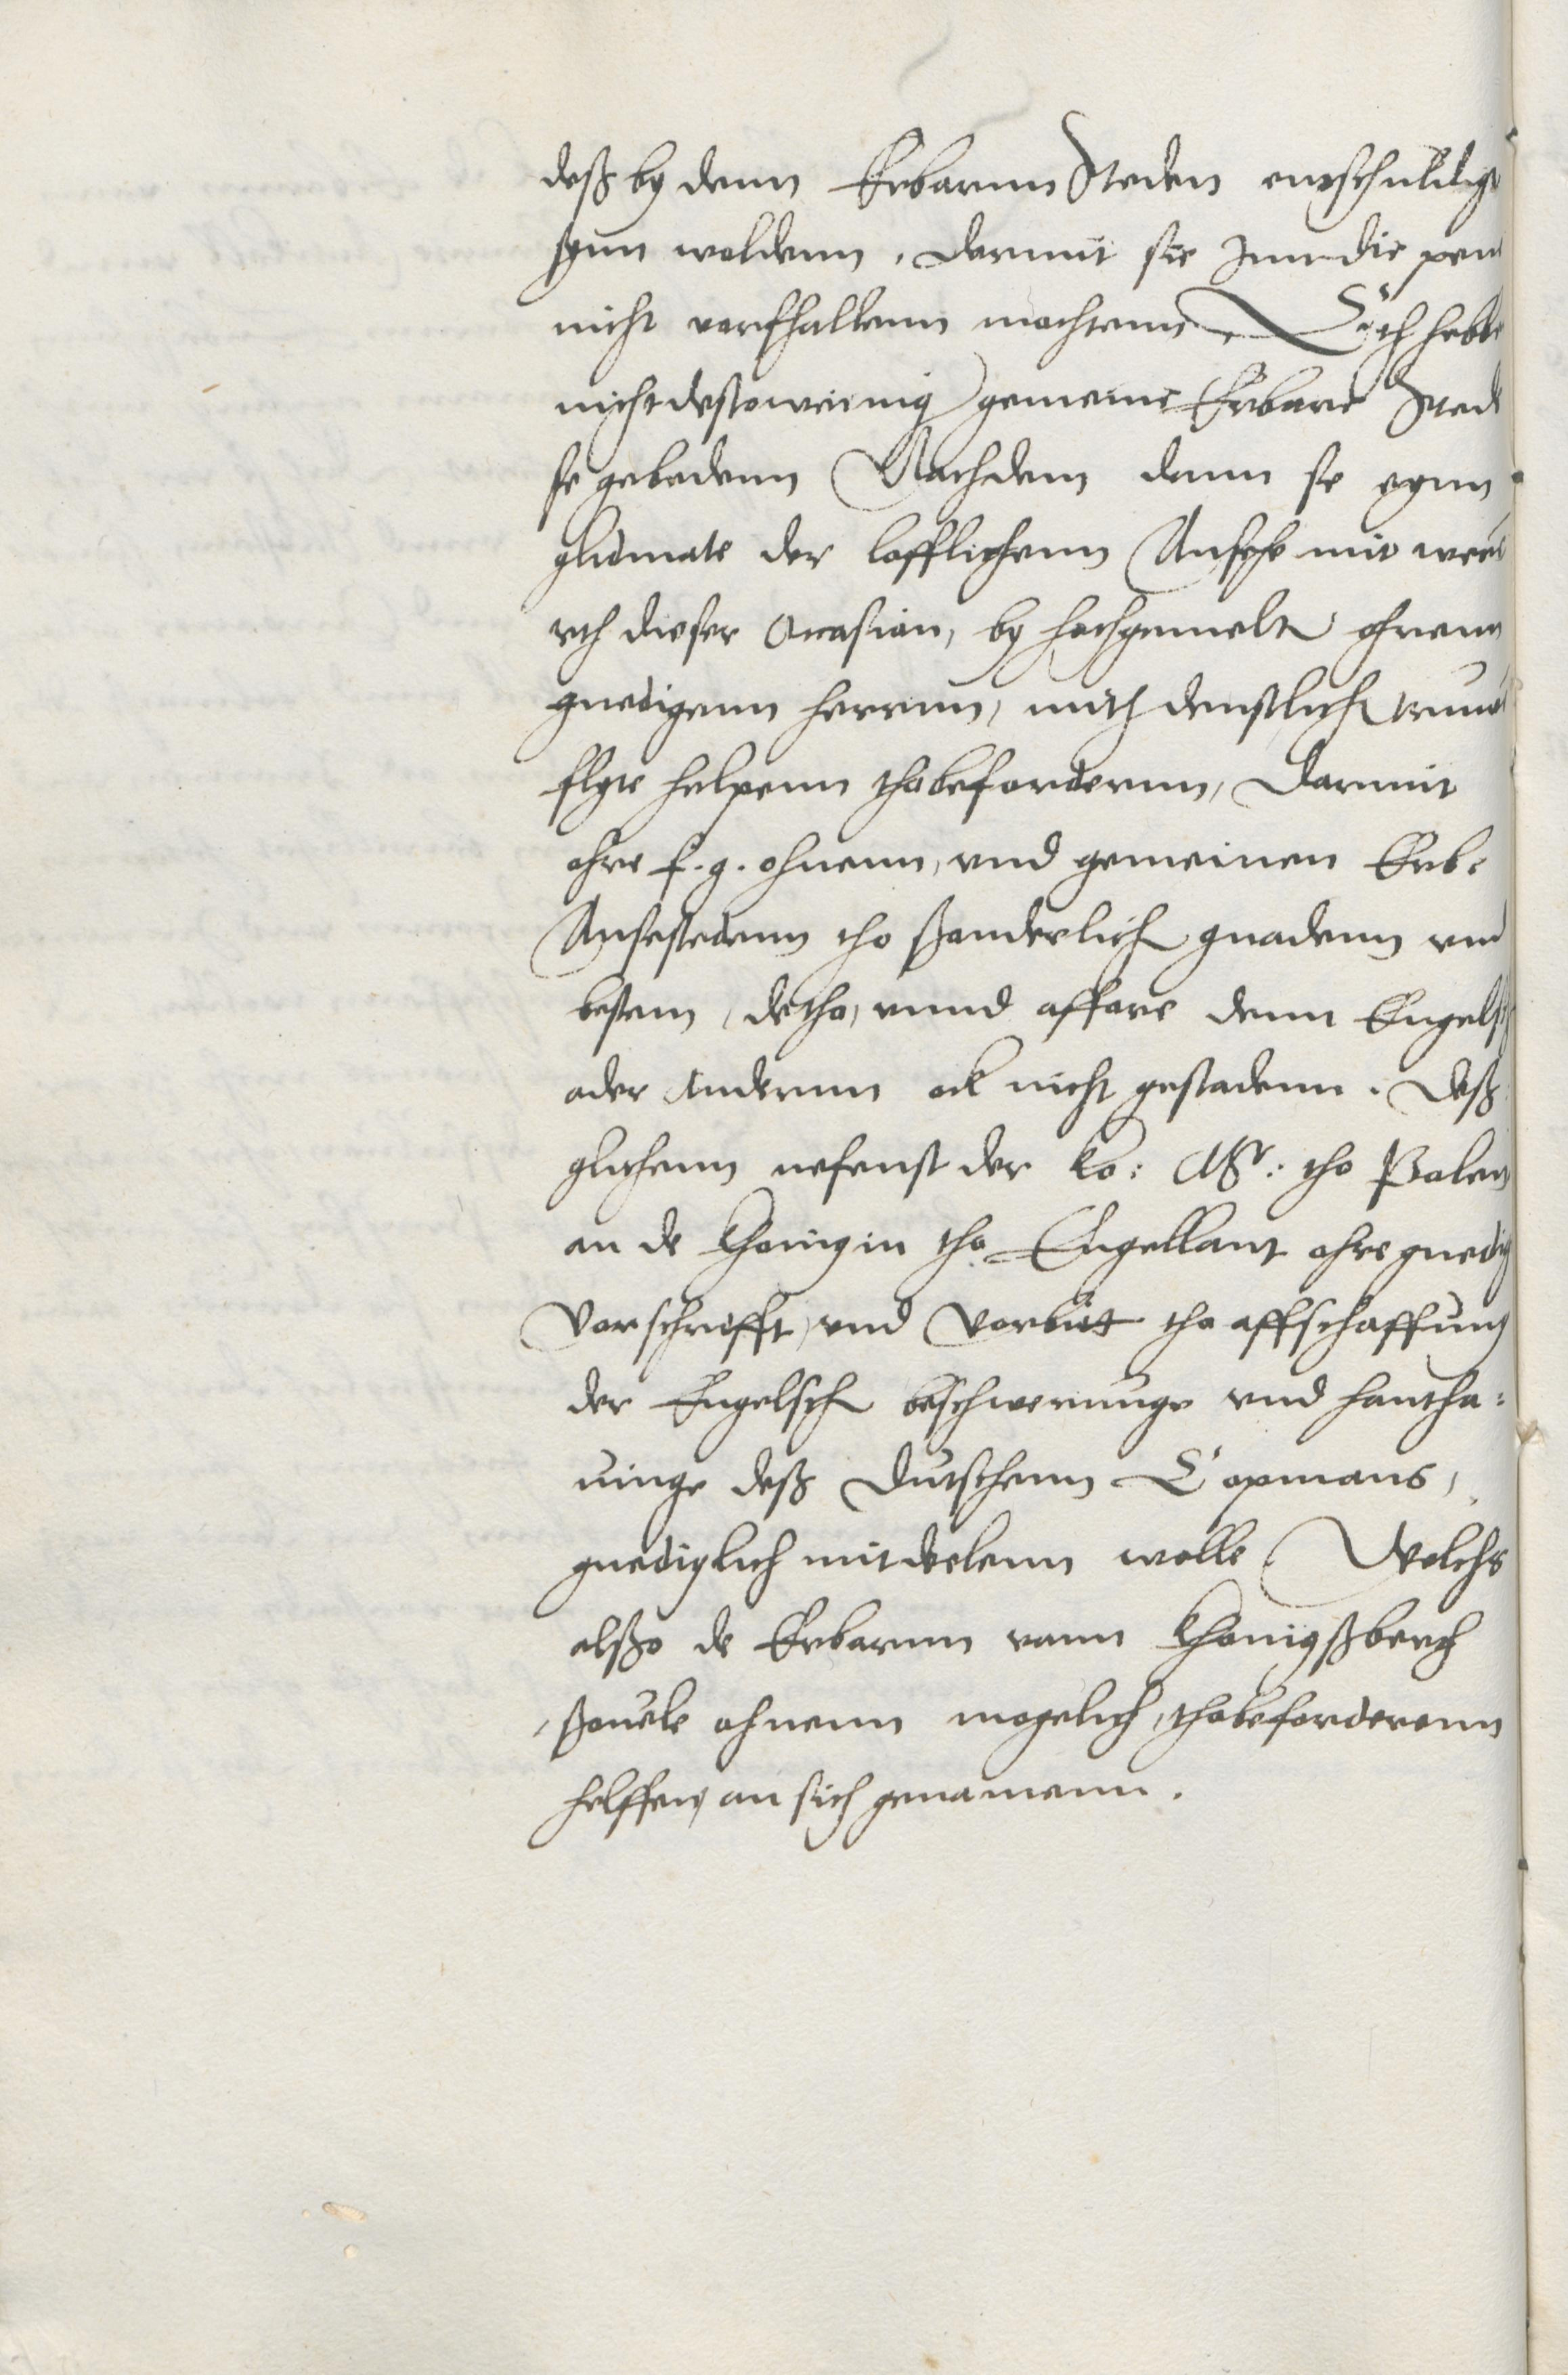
deß by denn Erbarnn Steden entschuldigt
synn woldenn, Darmit sie jnn die pene
nicht vorfhaldenn mochtenn, Eth hebben
nicht destoweiniger gemeine Erbare Stede
se gebedenn Nachdem dann se eynn
glidmate der lofflichenn Ansehe mit weren
vth dieser Occasion, by hochgemelten ohrenn
gnedigenn herrnn, mith denstlichen truwen
flyte helpenn tho befordernn, Darmit
ohre f. g. ohnenn, vnd gemeinen Erb:
Ansestedenn tho ßonderlichen gnadenn vnd
bestem, de tho, vnnd affore denn Engelsch
ader Andernn ock nicht gestadenn. Deß¬
glichenn nefenst der Ko: M: tho Polen
an de Khonigin tho Engellant ohre gnedig
Vorschrifft, vnd Vorbitt tho affschaffung
der Engelschen beschwerunge vnd hantha¬
uinge deß Dutschenn Copmans,
gnediglich mitdeelenn wolle Welchs
alßo de Erbarnn vann Khonigßberch
ßouele ohnenn mogelich, thobeforderenn
helffen an sich genamenn.
